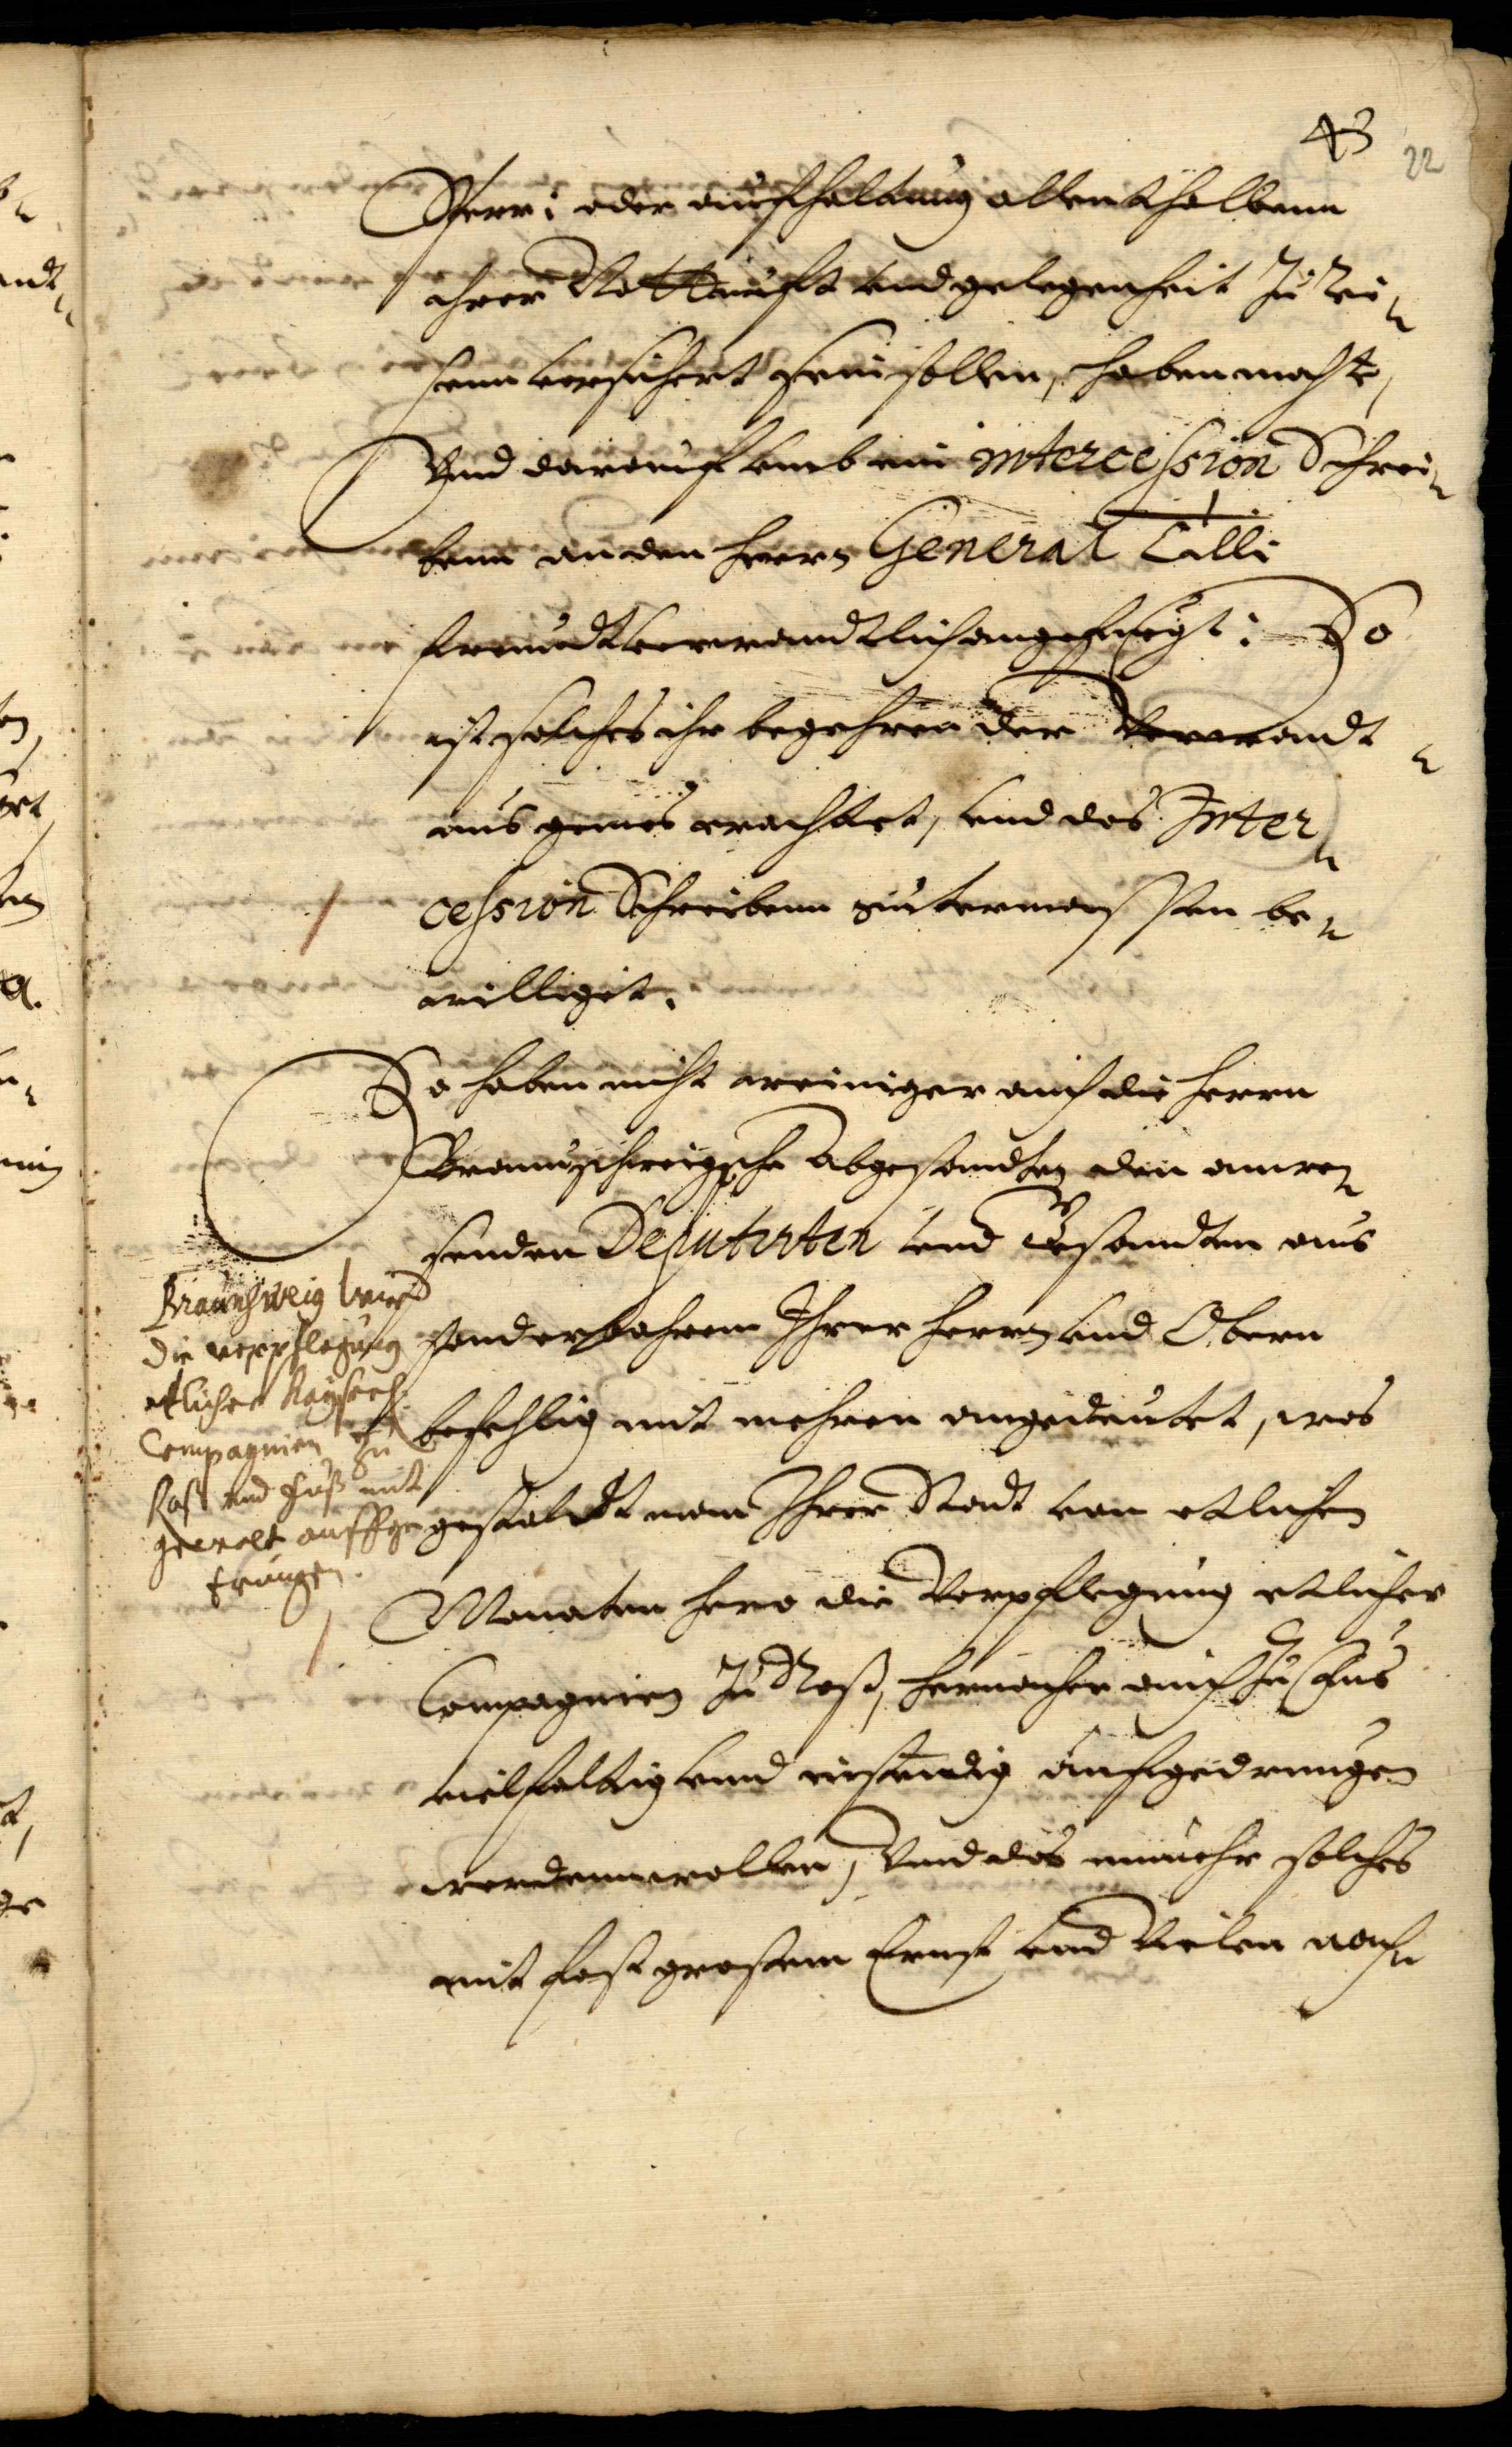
43
Sperr: oder aufhaltung allenthalbenn
ohner Notturft vnd gelegenheit zu Rei¬
senn vorsichert sein sollen, haben mochte,
Vnd darauf vmb ein intercession Schrei¬
benn an den herrn General Tilli
freundtverwandtlich angefuegt: So
ist solches ihr begehren der Verwandt¬
nus gemes erachtet, vnd das Inter¬
cession Schreibenn gutermassen be¬
williget.
So haben nicht weiniger auch die herrn
Braunschweigsche Abgesandten den anwe¬
senden Deputirten vnd Gesandten aus
sonderbahrem Ihrer herrn vnd Obern
befehlig mit mehren angedeutet, wes
gestaldt man Ihrer Stadt von etlichen
Monaten hero die Verpflegung etlicher
Compagnien zu Roß, hernacher auch zu Fus
vielfaltig vnnd instendig aufgedrungen
werdenn wollen, Vnnd das numehr solches
mit fast großem Ernst vnd Vielen nach¬
Braunhweig werden
die verpflegung
etlicher Kaijserl:
Compagnien zu
Roß und Fuß mit
gewolt auffge
trungen.
